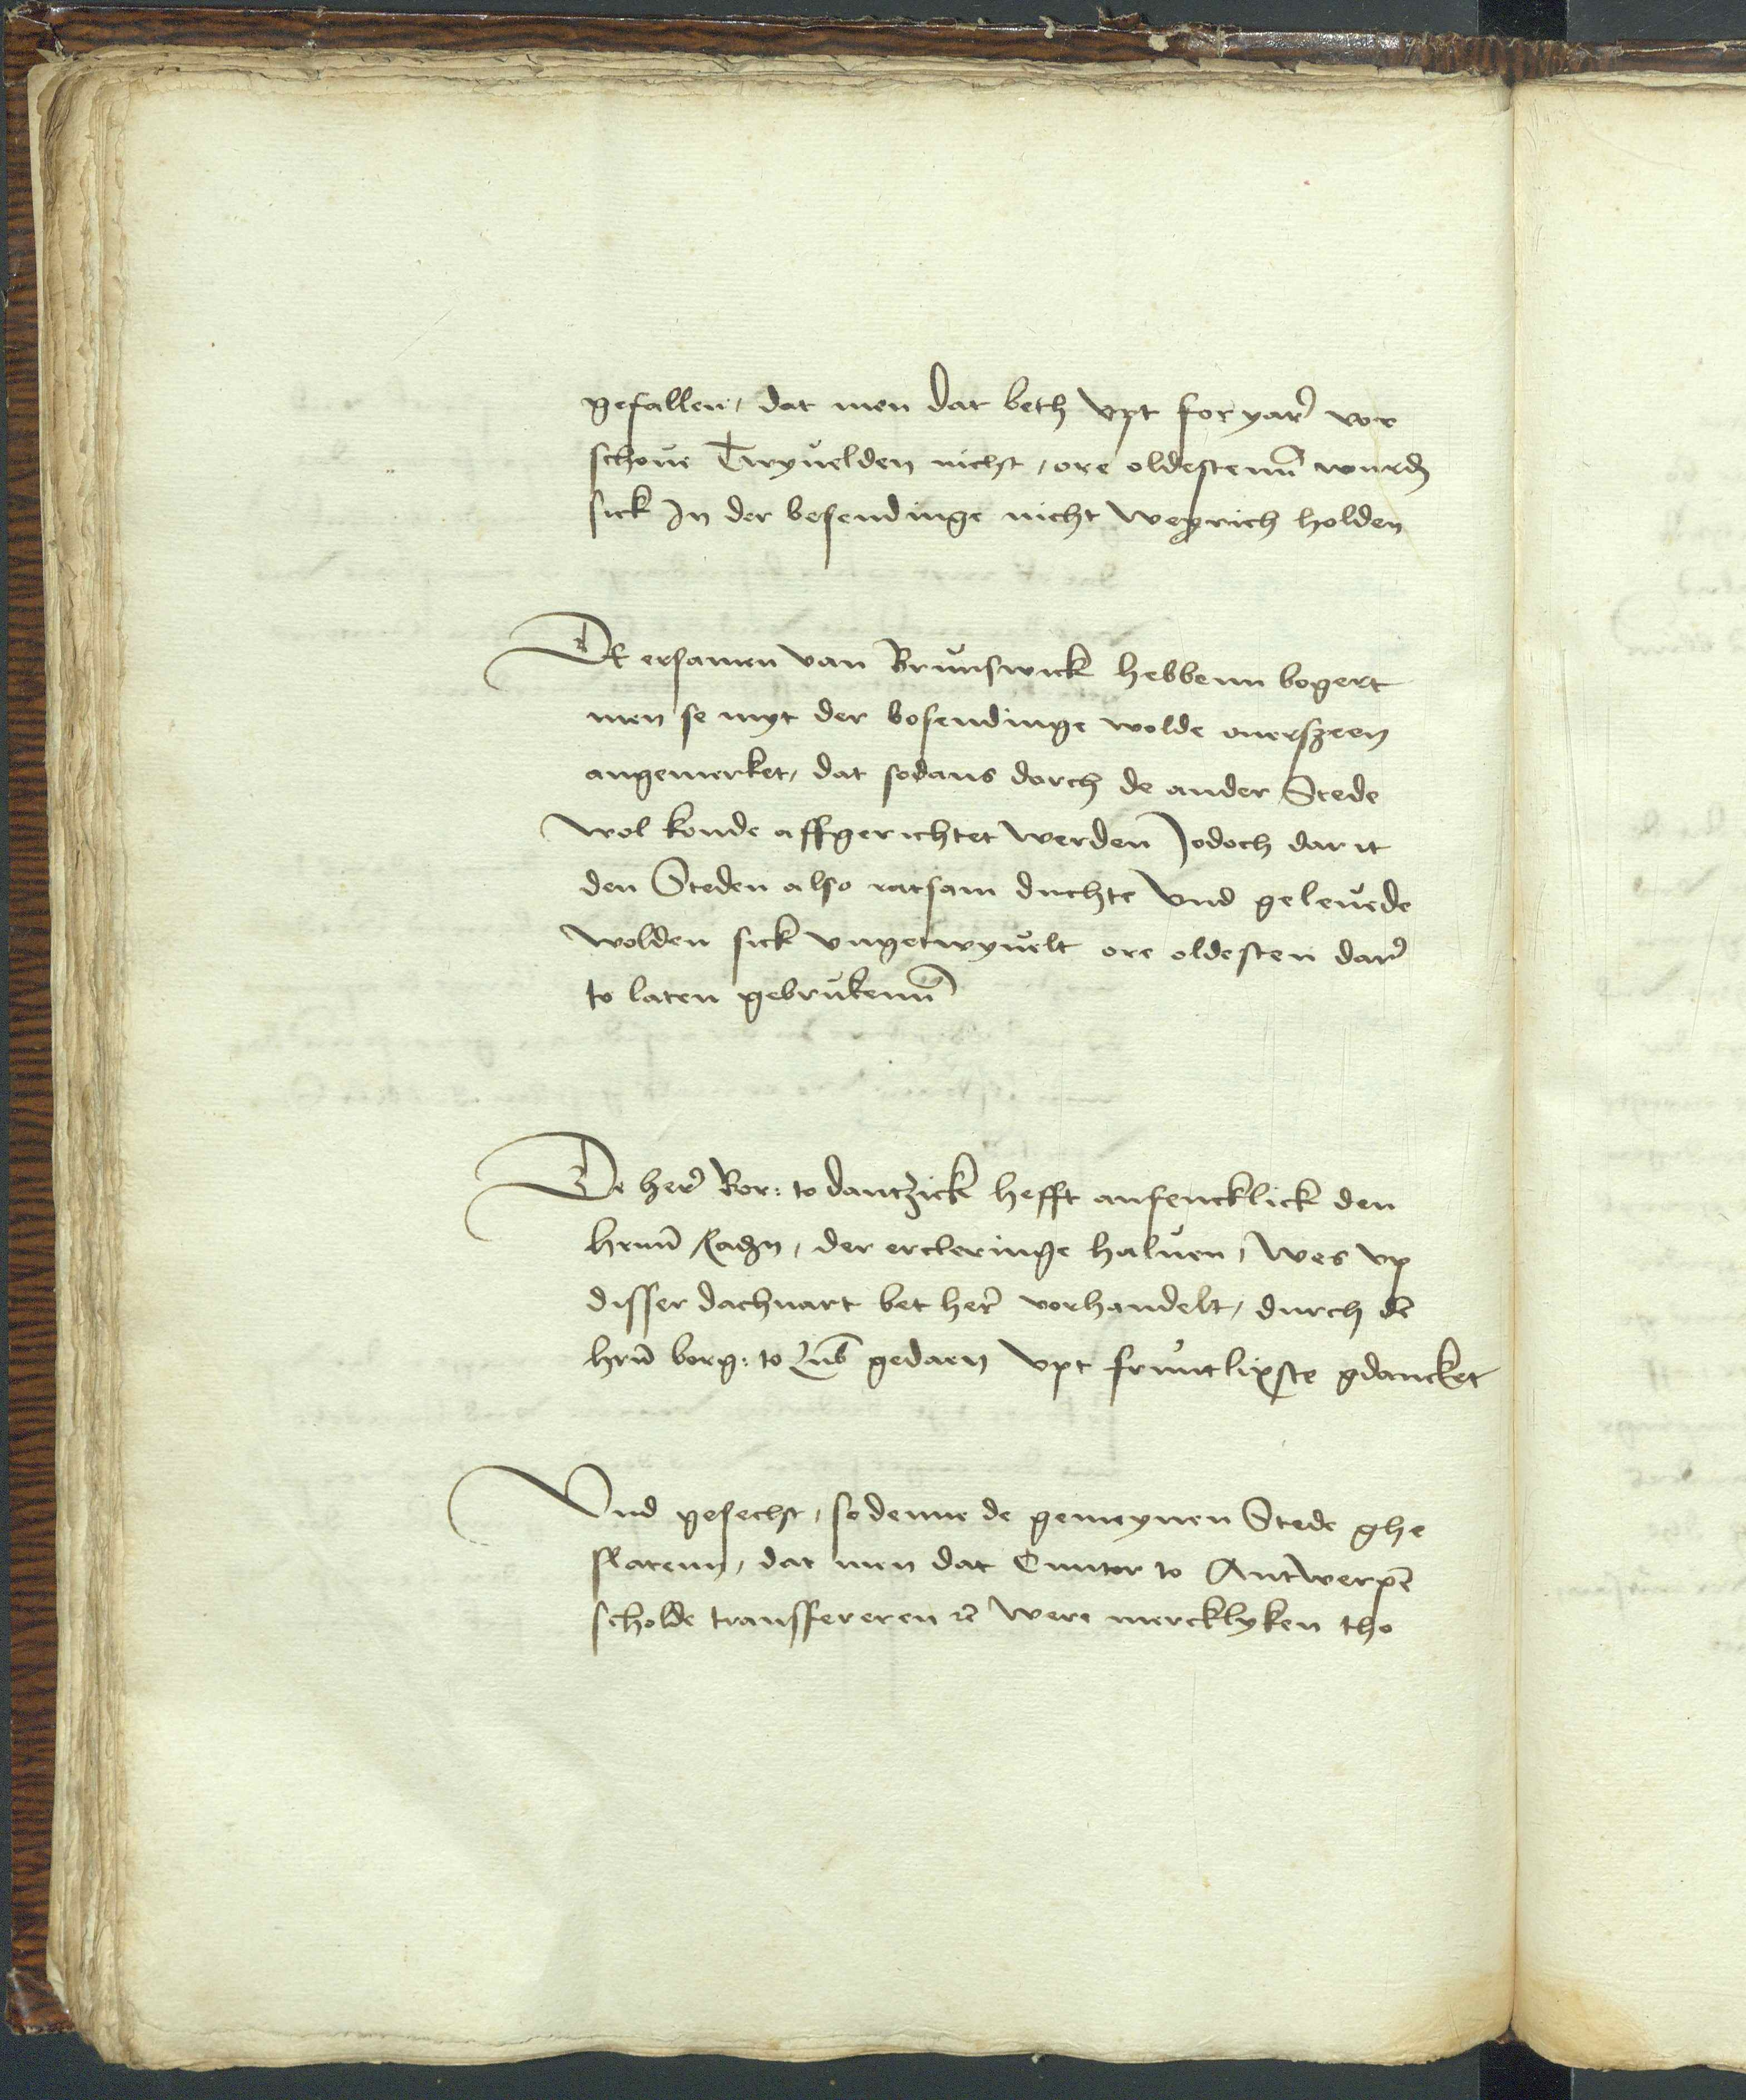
gefallen, dat men dat beth vpt foryar vor¬
schoue Twyuelden nicht, ore oldestenn wurden
sick Jn der besendinge nicht weynich holden
De ersamen van Brunswick hebbenn bogert
men se myt der bosendinge wolde auerszeen
angemerket, dat sodans dorch de ander Stede
wol konde affgerichtet werden Jodoch dar it
den Steden also ratsam duchte vnd geleuede
wolden sick vngetwyuelt ore oldesten dar¬
to laten gebrukenn
De her Bor: to dantzick hefft anfencklick den
hernn Radessendebaden, der ercleringe haluen, wes vp
disser dachuart bet her vorhandelt, durch de
hern borg: to Lubeck gedaen vpt fruntlixste gdancket
Vnd gesecht, sodenne de gemeynen Stede ghe¬
slatenn, dat men dat Cuntor to Antwerpen
scholde transfereren etc were mercklyken tho
